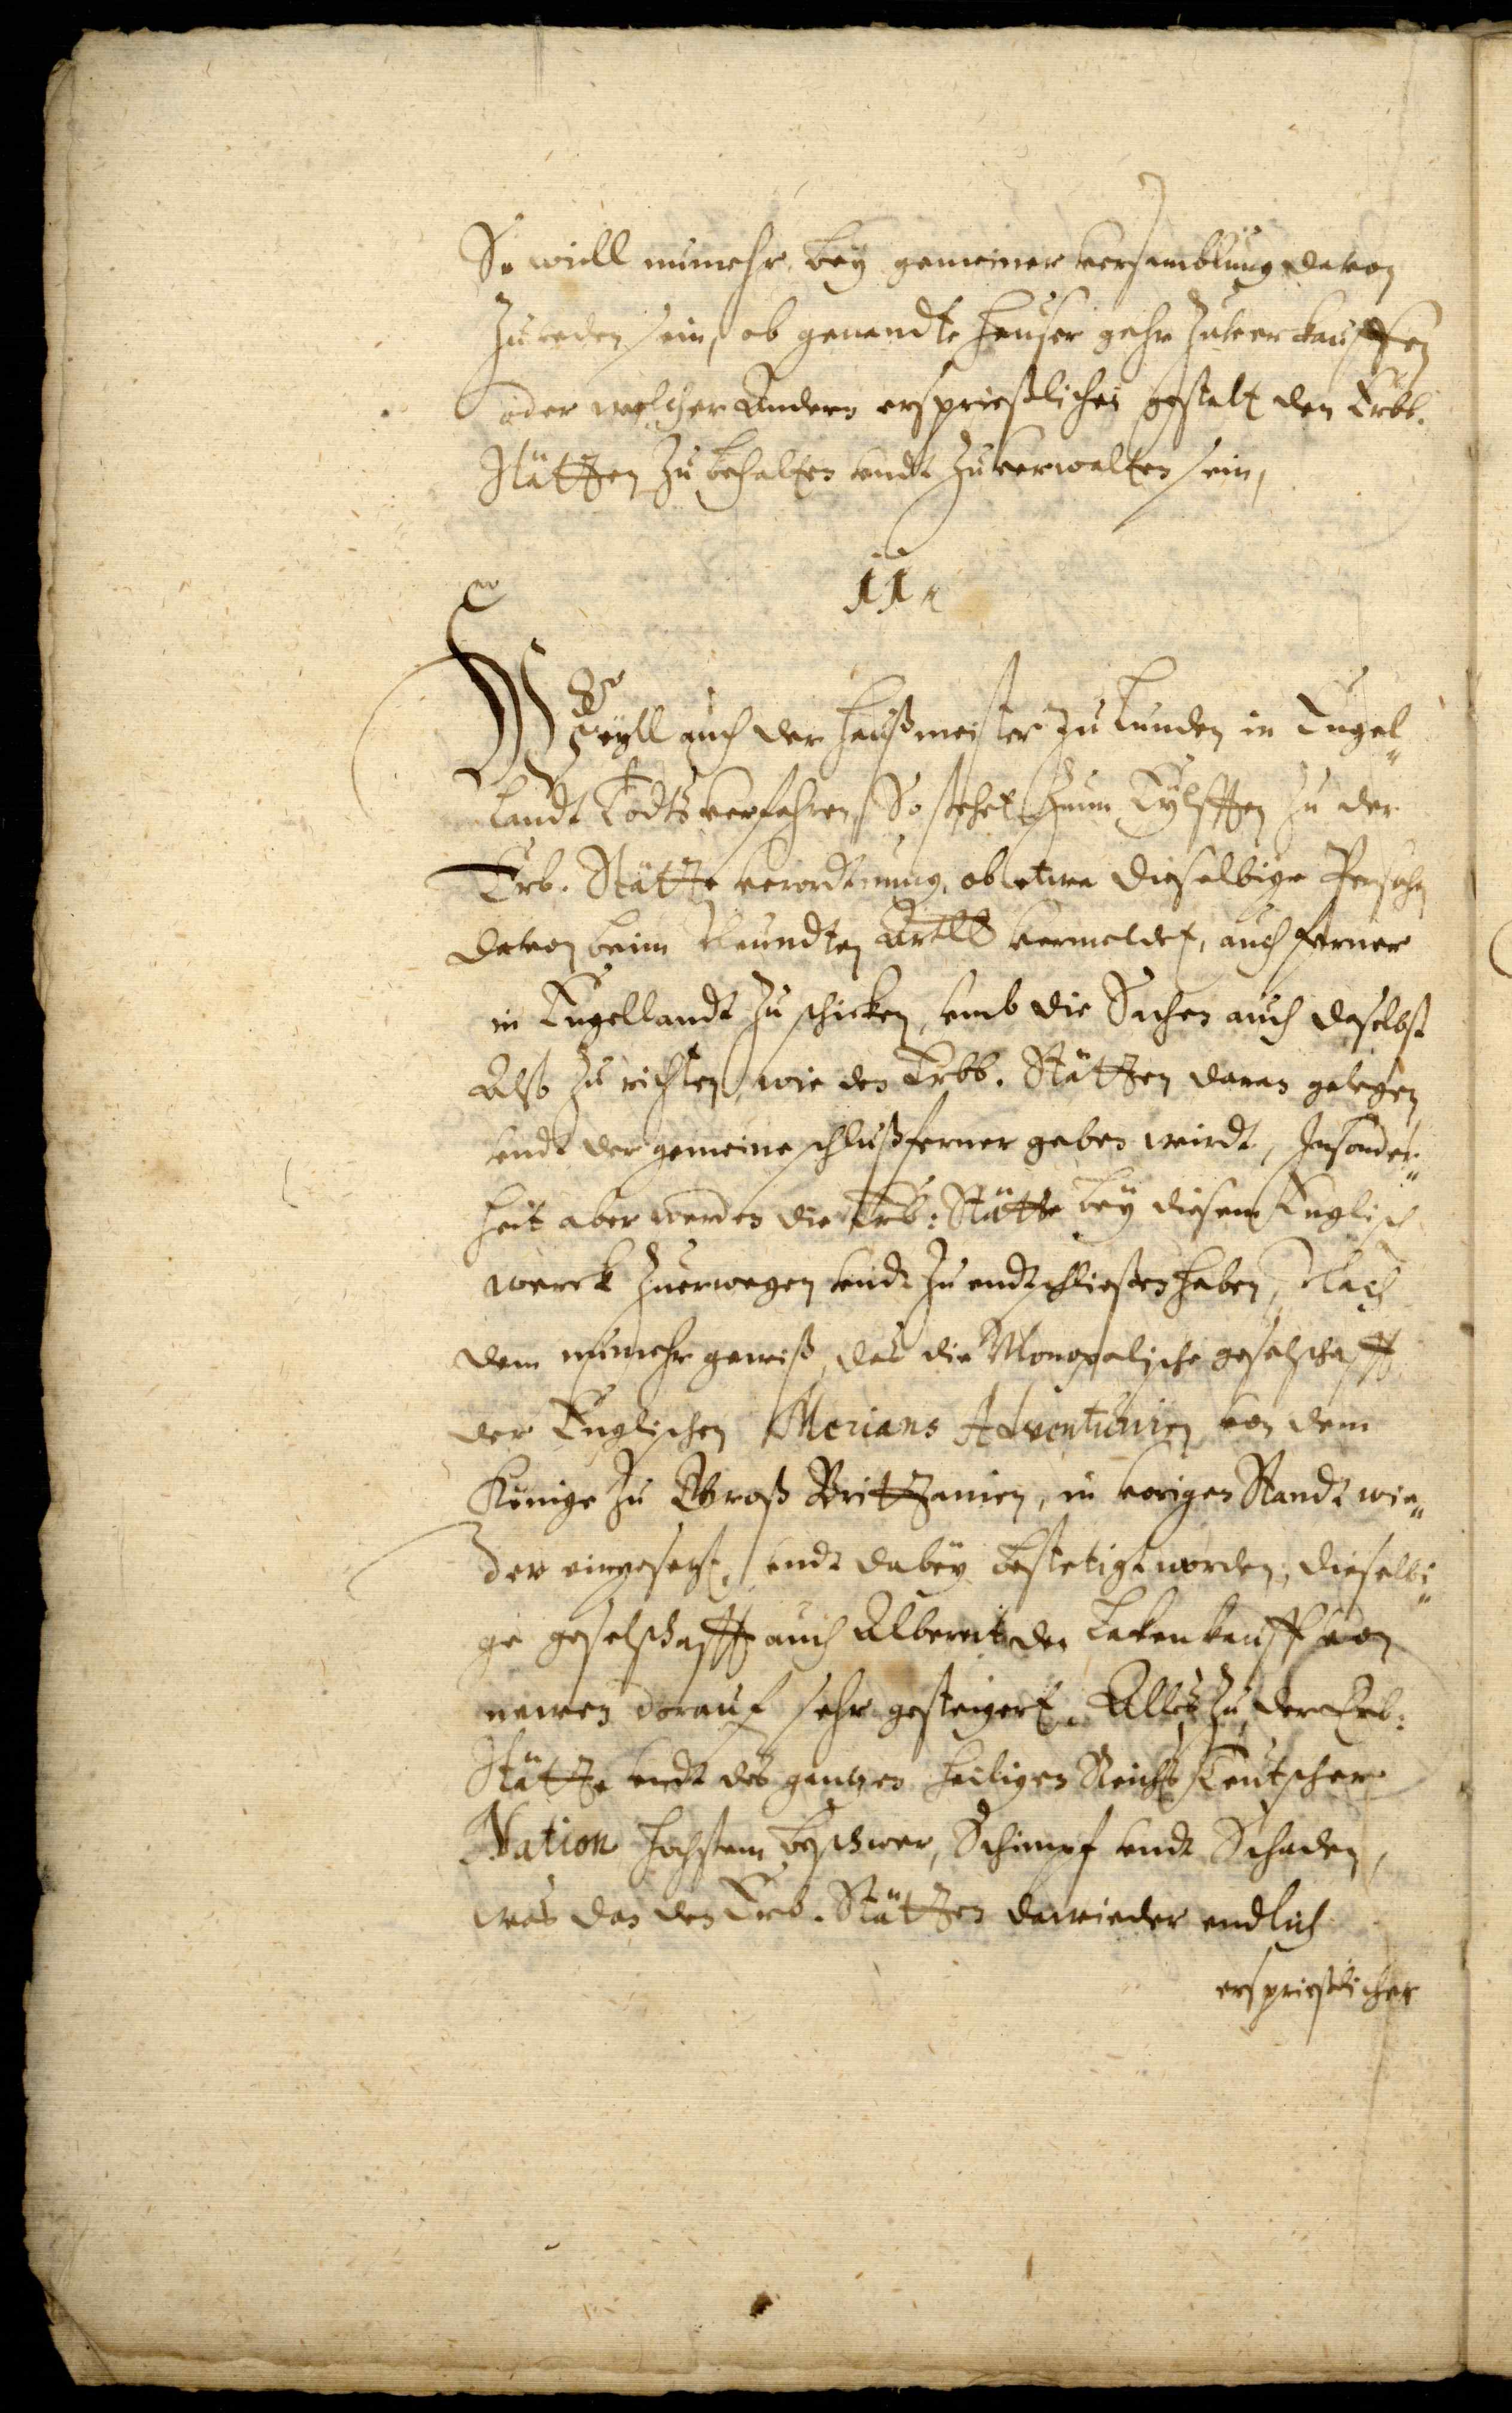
so will numehr beij gemeiner versamblung davon
Zu reden sein, ob genandte heuser gahr Zuverkauffen
oder welcher andern ersprießlichen gestalt den Erbb.
Stätten zu behalten vndt Zuverwalten sein,
ii.
Weijll auch der haußmeister Zu Lunden in Engel¬
landt Todts verfahren, so stehet zum Eijlfften zu der
Erb. Stätte verordtnung, ob etwa dieselbige Persohn
davon beim Neundten artll vermeldet, auch ferner
in Engellandt zu schicken, vmb die sachen auch daselbst
also zu richten, wie den Erbb. Stätten daran gelegen
vndt der gemeine schluß ferner geben wirdt, Insonder¬
heit aber werden die Erb: Stätte bei diesem Englisch
werck zuerwegen vndt zu endtschließen haben, Nach
dem numehr gewiß, das die Monopolische geselschafft
der Englischen Merians Adventuriren von dem
Könige zu Groß Brittanien, in vorigen Standt wie¬
der eingesetzt vndt dabeij bestetigt worden, dieselbi¬
ge geselschafft auch albereit der lakenkauff von
newen darauf sehr gesteigert, Alles zu der Erb:
Stätte undt des gantzen heiligen Reichs Teutscher
Nation hochstem beschwer, schimpf undt schaden,
was das den Erb. Stätten dawieder endlich
ersprießlicher
